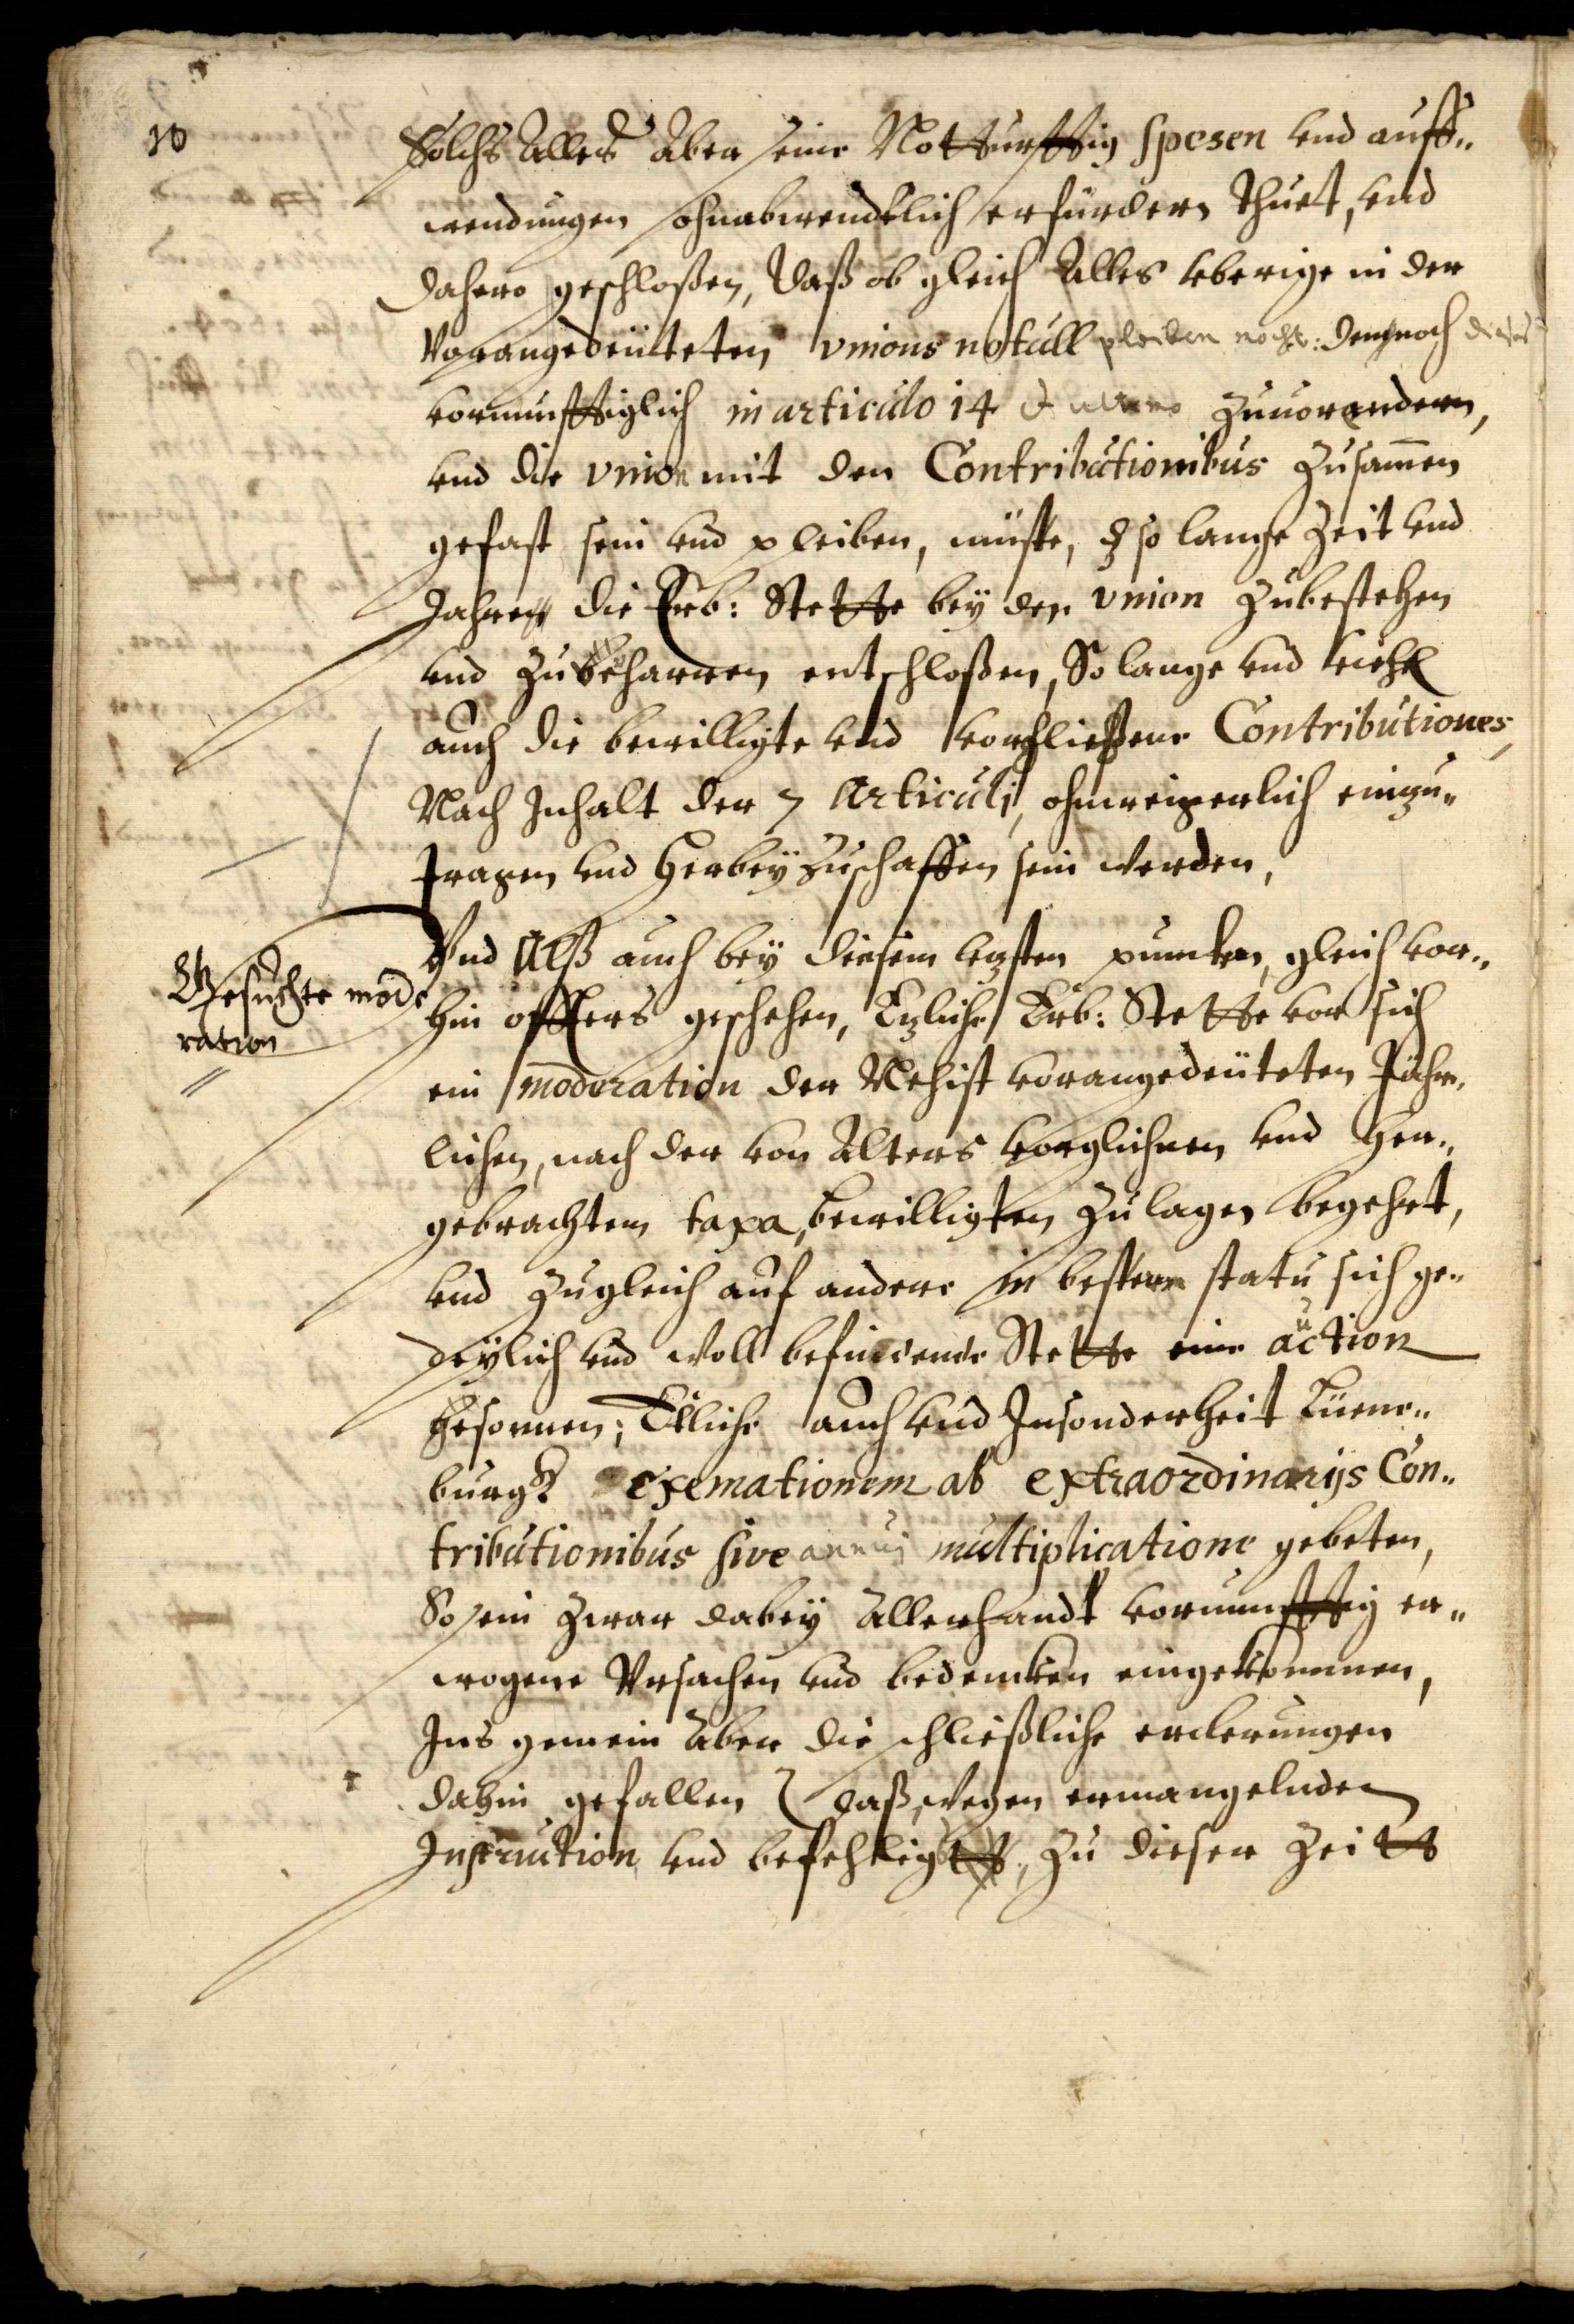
10
Gesuchte mode
ration
solchs alles aber seine Notturfftig Spesen vnd auff¬
wendungen ohnabwendtlich erfürden thuet, vnd
dahero geschloßen, Daß ob gleich alles vberige in der
Vorangedeüteten vnions notull pleiben mocht: dennoch dieses
vornunfftiglich in articulo 14 I ultemo zuvorendern,
vnd die union mit den Contributionibus zusammen
gefast sein vnd pleiben, müste, den so lange Zeit vnd
Jahren die Erb: Stette beij den union zubestehen
vnd zuverharren entschloßen, so lange und viehl
auch die bewilligte vnd vorgliehene Contributiones
Nach inhalt der 7 Articuli, ohnweigerlich einzu¬
tragen und herbeij zuschaffen sein werden,
Vnd Alß auch beij diesem lezten puncten, gleich vor¬
hin offters geschehen, Etzliche Erb: Stette vor sich
ein moderation der Nehist vorangedeüteten Iähr¬
lichen, nach der von alters vorglichnen vnd her¬
gebrachtem taxa, bewilligten zulagen begehrt,
vnd zugleich auf andere im bessere statu sich ge¬
deijlich vnd woll befindende Stette eine auction
gesonnen; Etliche auch vnd Insonderheit Lüene¬
burgk exemationem ab extraordinarijs Con¬
tributionibus sive annui multiplicatione gebeten,
so sein zwar dabeij allerhandt vornunfftig er¬
wogene Vrsachen vnd bedencken eingekommen,
ins gemein aber die schließliche erclerungen
dahin gefallen daß, wegen ermangelnden
Instruction vnd befehligtt, zu dieser Zeitt
